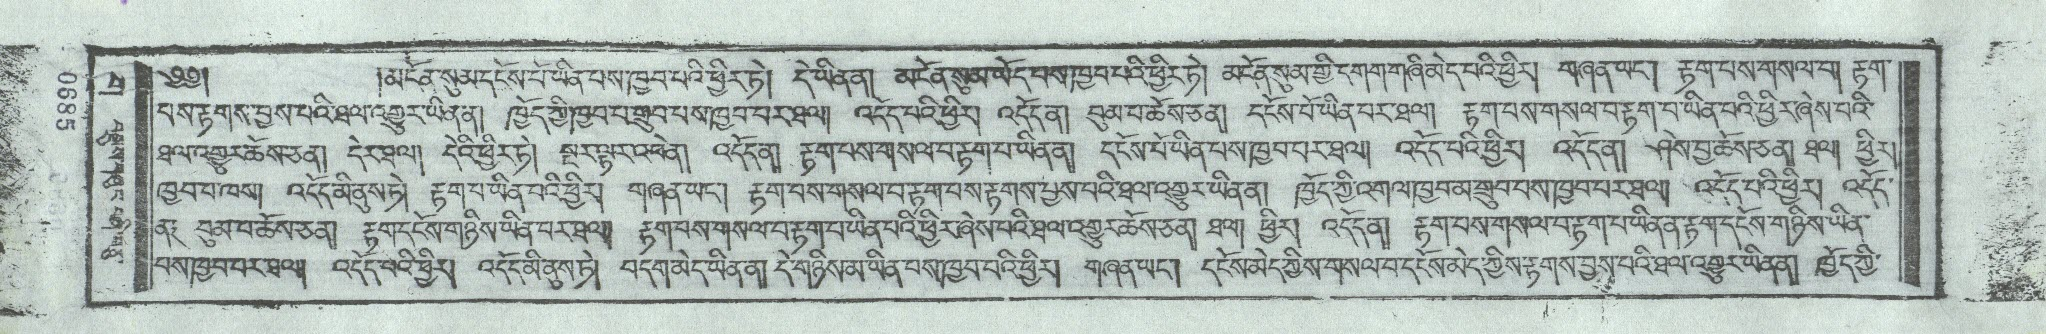༄༅། །མངོན་སུམ་དངོས་པོ་ཡིན་པས་ཁྱབ་པའི་ཕྱིར་ཏེ། དེ་ཡིན་ན། མངོན་སུམ་ཡོད་པས་ཁྱབ་པའི་ཕྱིར་ཏེ། མངོན་སུམ་གྱི་དགག་གཞི་མེད་པའི་ཕྱིར། གཞན་ཡང་། རྟག་པས་གསལ་བ། རྟག་
པས་རྟགས་བྱས་པའི་ཐལ་འགྱུར་ཡིན་ན། ཁྱོད་ཀྱི་ཁྱབ་པ་གྲུབ་པས་ཁྱབ་པར་ཐལ། འདོད་པའི་ཕྱིར། འདོད་ན། བུམ་པ་ཆོས་ཅན། དངོས་པོ་ཡིན་པར་ཐལ། རྟག་པས་གསལ་བརྟག་པ་ཡིན་པའི་ཕྱིར་ཞེས་པའི་
ཐལ་འགྱུར་ཆོས་ཅན། དེར་ཐལ། དེའི་ཕྱིར་ཏེ། སྔར་ལྟར་འཕེན། འདོད་ན། རྟག་པས་གསལ་བ་རྟག་པ་ཡིན་ན། དངོས་པོ་ཡིན་པས་ཁྱབ་པར་ཐལ། འདོད་པའི་ཕྱིར། འདོད་ན། ཤེས་བྱ་ཆོས་ཅན། ཐལ། ཕྱིར།
ཁྱབ་པ་ལས། འདོད་མི་ནུས་ཏེ། རྟག་པ་ཡིན་པའི་ཕྱིར། གཞན་ཡང་། རྟག་པས་གསལ་བ་རྟག་པས་རྟགས་བྱས་པའི་ཐལ་འགྱུར་ཡིན་ན། ཁྱོད་ཀྱི་འགལ་ཁྱབ་མ་གྲུབ་པས་ཁྱབ་པར་ཐལ། འདོད་པའི་ཕྱིར། འདོད་
ན༑ བུམ་པ་ཆོས་ཅན། རྟག་དངོས་གཉིས་ཡིན་པར་ཐལ། རྟག་པས་གསལ་བ་རྟག་པ་ཡིན་པའི་ཕྱིར་ཞེས་པའི་ཐལ་འགྱུར་ཆོས་ཅན། ཐལ། ཕྱིར། འདོད་ན། རྟག་པས་གསལ་བ་རྟག་པ་ཡིན་ན་རྟག་དངོས་གཉིས་ཡིན་
པས་ཁྱབ་པར་ཐལ། འདོད་པའི་ཕྱིར། འདོད་མི་ནུས་ཏེ། བདག་མེད་ཡིན་ན། དེ་གཉིས་མ་ཡིན་པས་ཁྱབ་པའི་ཕྱིར། གཞན་ཡང་། དངོས་མེད་ཀྱིས་གསལ་བ་དངོས་མེད་ཀྱིས་རྟགས་བྱས་པའི་ཐལ་འགྱུར་ཡིན་ན། ཁྱོད་ཀྱི་